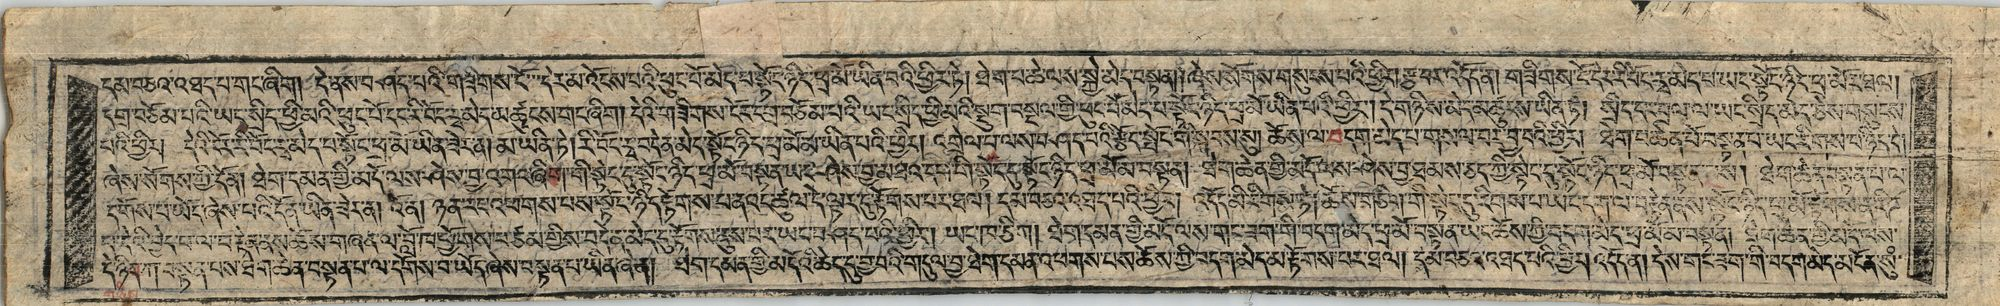དམ་བཅའ་འཐད་པ་གང་ཞིག །དེ་ནས་བཤད་པའི་གཟིགས་ངོ་དེར་མ་འོངས་པའི་ཕུང་པོ་མེད་པ་སྟོང་ཉིད་ཕྲ་མོ་ཡིན་པའི་ཕྱིར་ཏེ། ཐེག་པ་ཆེ་ལས་སྐྱེ་མེད་བསྟན། ཞེས་སོགས་གསུངས་པའི་ཕྱིར། རྩ་བར་འདོད་ན། གཟིགས་ངོ་དེར་རི་བོང་རྭ་མེད་པ་ཡང་སྟོང་ཉིད་ཕྲ་མོར་ཐལ།
དགྲ་བཅོམ་པའི་ཡང་སྲིད་ཕྱི་མའི་ཕུང་པོ་དང་རི་བོང་རྭ་མེད་མཚུངས་གང་ཞིག །དེའི་གཟིགས་ངོར་དགྲ་བཅོམ་པའི་ཡང་སྲིད་ཕྱི་མའི་སྡུག་བསྔལ་གྱི་ཕུང་པོ་མེད་པ་སྟོང་ཉིད་ཕྲ་མོ་ཡིན་པའི་ཕྱིར། དེ་གཉིས་མེད་མཚུངས་ཡིན་ཏེ། སྲིད་དང་བྲལ་ལ་ཡང་སྲིད་མེད་ཅེས་གསུངས་
པའི་ཕྱིར། དེའི་ངོར་རི་བོང་རྭ་མེད་པ་སྟོང་ཉིད་ཕྲ་མོ་ཡིན་ཟེར་ན། མ་ཡིན་ཏེ། རི་བོང་རྭ་བདེན་མེད་སྟོང་ཉིད་ཕྲ་མོ་མ་ཡིན་པའི་ཕྱིར། འགྲེལ་པ་ལས་བཤད་པའི་རྩོད་སྤོང་གི་སྐབས་སུ། ཆོས་ལ་བདག་མེད་པ་གསལ་བར་བྱ་བའི་ཕྱིར། ཐེག་པ་ཆེན་པོ་བསྟན་པ་ཡང་རིགས་པ་ཉིད་དེ།
ཞེས་སོགས་ཀྱི་དོན། ཐེག་དམན་གྱི་མདོ་ལས་ཤེས་བྱ་འགའ་ཞིག་གི་སྟེང་དུ་སྟོང་ཉིད་ཕྲ་མོ་བསྟན་ཡང་ཤེས་བྱ་མཐའ་དག་གི་སྟེང་དུ་སྟོང་ཉིད་ཕྲ་མོ་མ་བསྟན། ཐེག་ཆེན་གྱི་མདོ་ལས་ཤེས་བྱ་ཐམས་ཅད་ཀྱི་སྟེང་དུ་སྟོང་ཉིད་ཕྲ་མོ་བསྟན་པས། ཐེག་ཆེན་བསྟན་པ་ལ་
དགོས་པ་ཡོད་ཞེས་པའི་དོན་ཡིན་ཟེར་ན། འོ་ན། ཉན་རང་འཕགས་པས་སྟོང་ཉིད་རྟོགས་པ་ནའང་ཚུལ་དེ་ལྟར་དུ་རྟོགས་པར་ཐལ། དམ་བཅའ་འཐད་པའི་ཕྱིར། འདོད་མི་རིགས་ཏེ། ཆོས་གཅིག་གི་སྟེང་དུ་རིགས་པ་ཡང་དག་ལ་བརྟེན་ནས་སྟོང་ཉིད་ཕྲ་མོ་རྟོགས་ན་རིགས་
པ་དེའི་བྱེད་པ་ལ་བརྟེན་ནས་ཆོས་གཞན་ལ་བློ་ཁ་ཕྱོགས་བཙམགྱིས་བདེན་མེད་དུ་རྟོགས་ནུས་པར་ཡང་བཤད་བའི་ཕྱིར། ཡང་ཁ་ཅིག །ཐེག་དམན་གྱི་མདོ་ལས་གང་ཟག་གི་བདག་མེད་ཕྲ་མོ་བསྟན་ཡང་ཆོས་ཀྱི་བདག་མེད་ཕྲ་མོ་མ་བསྟན། ཐེག་ཆེན་གྱི་མདོ་ལས་
དེ་ཉིས་ཀ་བསྟན་པས་ཐེག་ཆེན་བསྟན་པ་ལ་དགོས་པ་ཡོད་ཞེས་བསྟན་པ་ཡིན་ཞེ་ན། ཐེག་དམན་གྱི་མདོའི་ཆེད་དུ་བྱ་བའི་གདུལ་བྱ་ཐེག་དམན་འཕགས་པས་ཆོས་ཀྱི་བདག་མེད་མ་རྟོགས་པར་ཐལ། དམ་བཅའ་འཐད་པའི་ཕྱིར། འདོད་ན། དེས་གང་ཟག་གི་བདག་མེད་མངོན་སུམ་